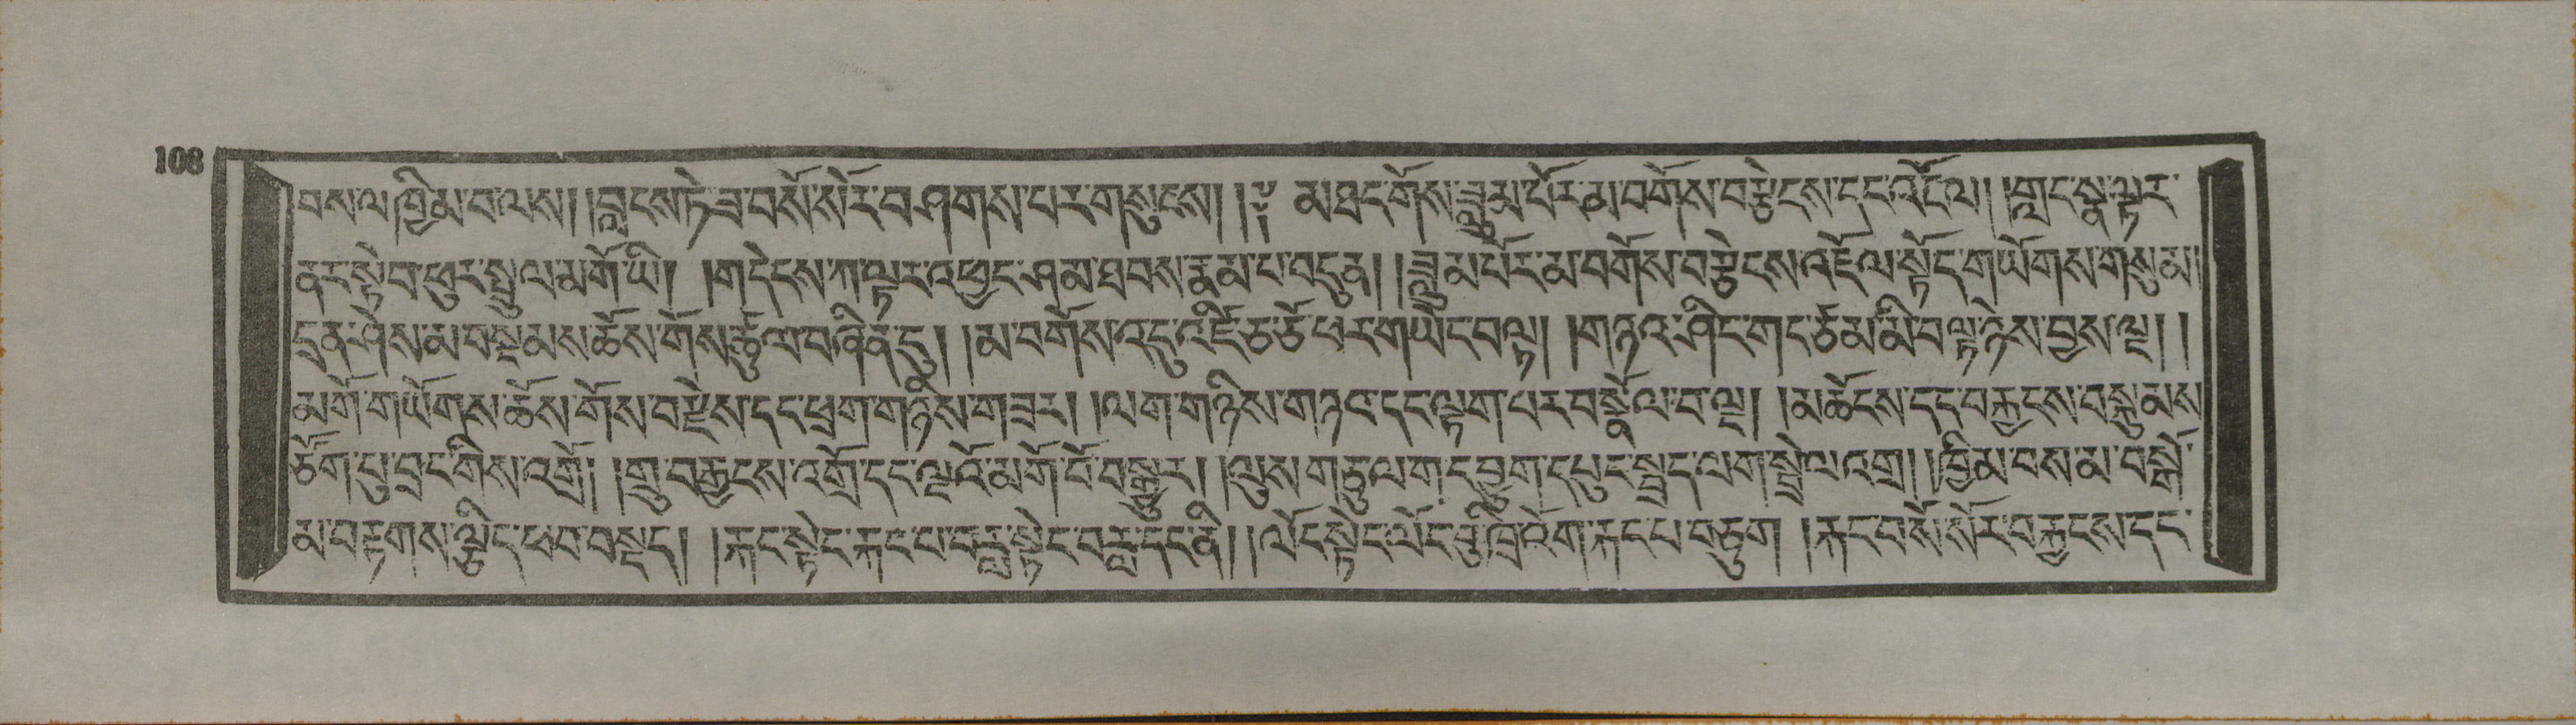བསལ་ཁྱིམ་པ་ལས། །བླངས་ཏེ་ཟ་བསོ་སོར་བཤགས་པར་གསུངས།། ༈ མཐང་གོས་ཟླུམ་པོར་མ་བགོས་བརྩེངས་དང་འཇོལ། །གླང་སྣ་ལྟར་
ནར་སྟེབ་ཕུར་སྦྲུལ་མགོ་ཡི། །གདེངས་ཀ་ལྟར་འཕྱང་ཤམ་ཐབས་རྣམ་པ་བདུན། །ཟླུམ་པོར་མ་བགོས་བརྩེངས་འཇོལ་སྟོད་གཡོགས་གསུམ་
དྲན་ཤེས་མ་བསྡམས་ཆོས་གོས་ཚུལ་བཞིན་དུ། །མ་བགོས་འདུ་འཛི་ཅ་ཅོ་ཕར་གཡེང་བལྟ། །གཉའ་ཤིང་གང་ཙམ་མི་བལྟ་ཉེས་བྱས་ལྔ། །
མགོ་གཡོགས་ཆོས་གོས་བརྫེས་དང་ཕྲག་གཉིས་གཟར། །ལག་གཉིས་གཉའ་དང་ལྟག་པར་བསྣོལ་བ་ལྔ། །མཆོངས་དང་བརྐྱངས་བསྐུམས་
ཙོག་པུ་བྲང་གིས་འགྲོ། །གྲུ་བརྒྱངས་འགྲོ་དང་ལྔའོ་མགོ་བོ་བསྒྱུར། །ལུས་གཅུ་ལ་གང་བྱུག་དཔུང་སྦྲད་ལག་སྦྲེལ་འགྲོ། ?་།ཁྱིམ་པས་མ་བསྒོ་
མ་བརྟགས་ལྕིང་ཕབ་བསྡད། །རྐང་སྟེང་རྐང་པ་བརླ་སྟེང་བརླ་དང་ནི། །ལོང་སྟེང་ལོང་པུ་ཁྲི་འོག་རྐང་པ་བཅུག །རྐང་པ་སོ་སོར་བརྐྱངས་དང་